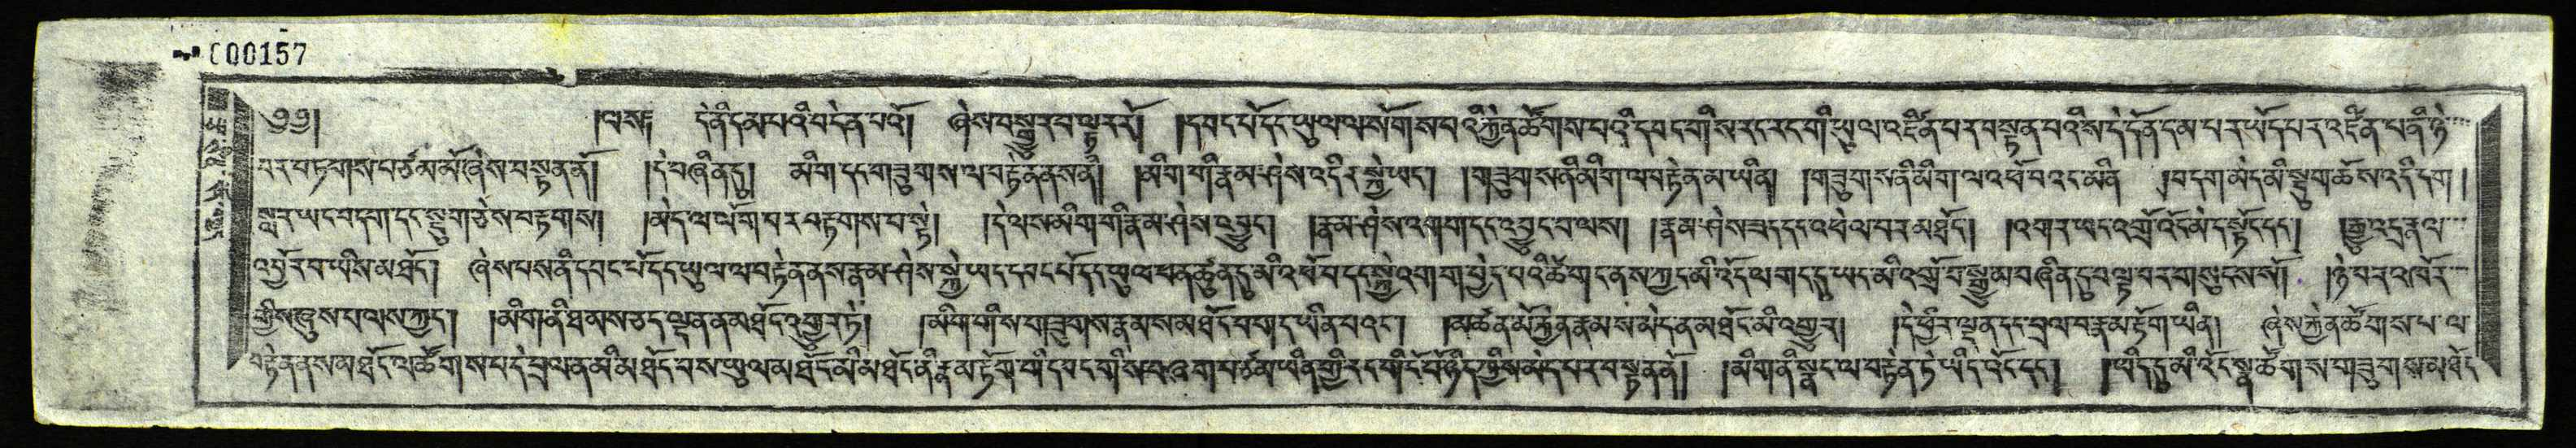༄༅། །ལས༑ དེ་ནི་དམ་པའི་བདེན་པའོ། ཞེས་བསྒྱུར་བ་ལྟར་རོ། །དབང་པོ་དང་ཡུལ་ལ་སོགས་པའི་རྐྱེན་ཚོགས་པའི་དབང་གིས་རང་རང་གི་ཡུལ་འཛིན་པར་བསྟན་པའི་ས་དེ་དོན་དམ་པར་ཡོད་པར་འཛིན་པ་ནི་ཉེ་
བར་བཏགས་པ་ཙམ་མོ་ཞེས་བསྟན་ནོ། །དེ་བཞིན་དུ། མིག་དང་གཟུགས་ལ་བརྟེན་ནས་ནི། །མིག་གི་རྣམ་ཤེས་འདིར་སྐྱེ་ཡང་། །གཟུགས་ནི་མིག་ལ་བརྟེན་མ་ཡིན། །གཟུགས་ནི་མིག་ལ་འཕོ་བའང་མིན། །བདག་མེད་མི་སྡུག་ཆོས་འདི་དག །
སླར་ཡང་བདག་དང་སྡུག་ཅེས་བརྟགས། །མེད་ལ་ལོག་པར་བརྟགས་པ་སྟེ། །དེ་ལས་མིག་གི་རྣམ་ཤེས་འབྱུང་། །རྣམ་ཤེས་འགག་དང་འབྱུང་བ་ལས། །རྣམ་ཤེས་ཟད་དང་འཕེལ་བར་མཐོང་། །འགར་ཡང་འགྲོ་འོང་མེད་སྟོང་དང་། །རྒྱུ་འདྲ་རྣལ་
འབྱོར་བ་ཡིས་མཐོང་། ཞེས་པས་ནི་དབང་པོ་དང་ཡུལ་ལ་བརྟེན་ནས་རྣམ་ཤེས་སྐྱེ་ཡང་དབང་པོ་དང་ཡུལ་ཕན་ཚུན་དུ་མི་འཕོ་བ་དང་སྐྱེ་འགག་བྱེད་པའི་ཚེ་གང་ནས་ཀྱང་མི་འོད་ལ་གང་དུ་ཡང་མི་འགྲོ་བ་སྒྱུ་མ་བཞིན་དུ་བལྟ་བར་གསུངས་སོ། །ཉེ་བར་འཁོར་
གྱིས་ཞུས་པ་ལས་ཀྱང་། །མིག་ནི་ཐམས་ཅད་ལྡན་ན་མཐོང་འགྱུར་ཏེ། །མིག་གིས་གཟུགས་རྣམས་མཐོང་བ་གང་ཡིན་པའང་། །མཚན་མོ་རྐྱེན་རྣམས་མེད་ན་མཐོང་མི་འགྱུར། །དེ་ཕྱིར་ལྡན་དང་བྲལ་བ་རྣམ་རྟོག་ཡིན། ཞེས་རྐྱེན་ཚོགས་པ་ལ་
བརྟེན་ནས་མཐོང་ལ་ཚོགས་པ་དེ་བྲལ་ན་མི་མཐོང་བས་ཡུལ་མཐོང་མི་མཐོང་ནི་རྣམ་རྟོག་གི་དབང་གིས་བཞག་པ་ཙམ་ཡིན་གྱི་རང་གི་ངོ་བོ་ཉིད་ཀྱིས་མེད་པར་བསྟན་ནོ། །མིག་ནི་སྣང་ལ་བརྟེན་ཏེ་ཡིད་འོང་དང་། །ཡིད་དུ་མི་འོང་སྣ་ཚོགས་གཟུགས་མཐོང་